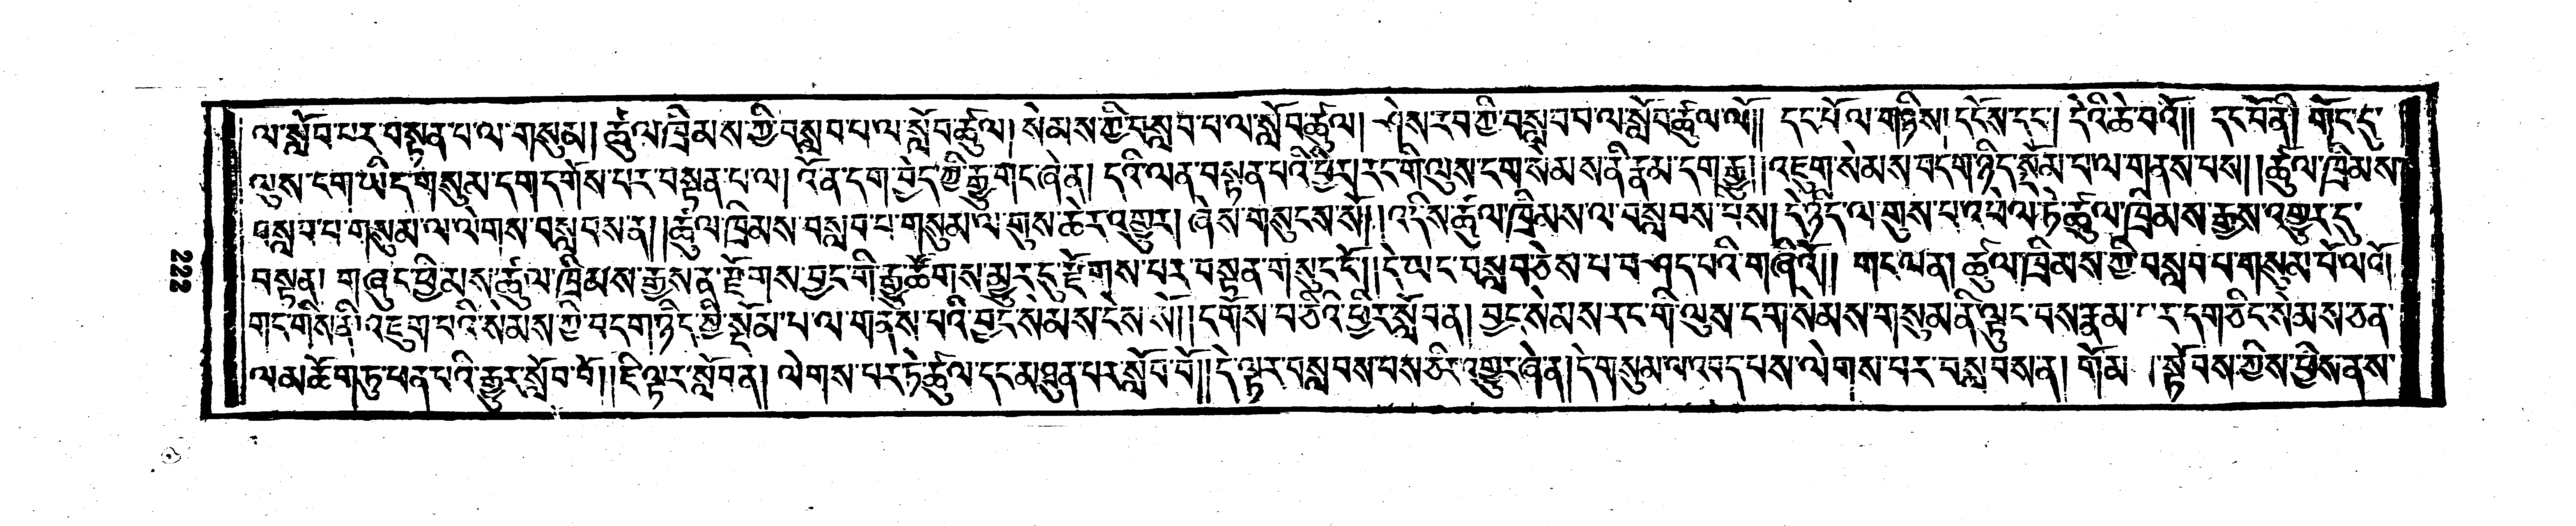ལ་སློབ་པར་བསྟན་པ་ལ་གསུམ། ཚུལ་ཁྲིམས་ཀྱི་བསླབ་པ་ལ་སློབ་ཚུལ། སེམས་ཀྱི་བསླབ་པ་ལ་སློབ་ཚུལ། ཤེས་རབ་ཀྱི་བསླབ་པ་ལ་སློབ་ཚུལ་ལོ། །དང་པོ་ལ་གཉིས། དངོས་དང་། དེའི་ཆེ་བའོ། །དང་པོ་ནི། གོང་དུ་
ལུས་ངག་ཡིད་གསུམ་དག་དགོས་པར་བསྟན་པ་ལ། འོ་ན་དག་བྱེད་ཀྱི་རྒྱུ་གང་ཞེ་ན། དེའི་ལན་བསྟན་པའི་ཕྱིར། རང་གི་ལུས་ངག་སེམས་ནི་རྣམ་དག་རྒྱུ། །འཇུག་སེམས་བདག་ཉིད་སྡོམ་པ་ལ་གནས་པས། །ཚུལ་ཁྲིམས་
བསླབ་པ་གསུམ་ལ་ལེགས་བསླབས་ན། །ཚུལ་ཁྲིམས་བསླབ་པ་གསུམ་ལ་གུས་ཆེར་འགྱུར། ཞེས་གསུངས་སོ། །འདིས་ཚུལ་ཁྲིམས་ལ་བསླབས་པས། དེ་ཉིད་ལ་གུས་པ་འཕེལ་ཏེ་ཚུལ་ཁྲིམས་རྒྱས་འགྱུར་དུ་
བསྟན། གཞུང་ཕྱི་མས་ཚུལ་ཁྲིམས་རྒྱས་ན་རྫོགས་བྱང་གི་རྒྱུ་ཚོགས་མྱུར་དུ་རྫོགས་པར་བསྟན་གསུང་ངོ། །དེ་ཡང་བསླབ་ཅེས་པ་བཤད་པའི་གཞིའོ། །གང་ལ་ན། ཚུལ་ཁྲིམས་ཀྱི་བསླབ་པ་གསུམ་པོ་ལའོ། །
གང་གིས་ནི། འཇུག་པའི་སེམས་ཀྱི་བདག་ཉིད་ཀྱི་སྡོམ་པ་ལ་གནས་པའི་བྱང་སེམས་དེས་?་སོ། །དགོས་པ་ཅིའི་ཕྱིར་སློབ་ན། བྱང་སེམས་རང་གི་ལུས་ངག་སེམས་གསུམ་ནི་ལྟུང་བས་རྣམ་པར་དག་ཅིང་སེམས་ཅན་
ལ་མཆོག་ཏུ་ཕན་པའི་རྒྱུར་སློབ་བོ། །ཇི་ལྟར་སློབ་ན། ལེགས་པར་ཏེ་ཚུལ་དང་མཐུན་པར་སློབ་བོ། །དེ་ལྟར་བསླབས་པས་ཅིར་འགྱུར་ཞེ་ན། དེ་གསུམ་ལ་འབད་པས་ལེགས་པར་བསླབས་ན། གོམས་སྟོབས་ཀྱིས་ཕྱིས་ནས་